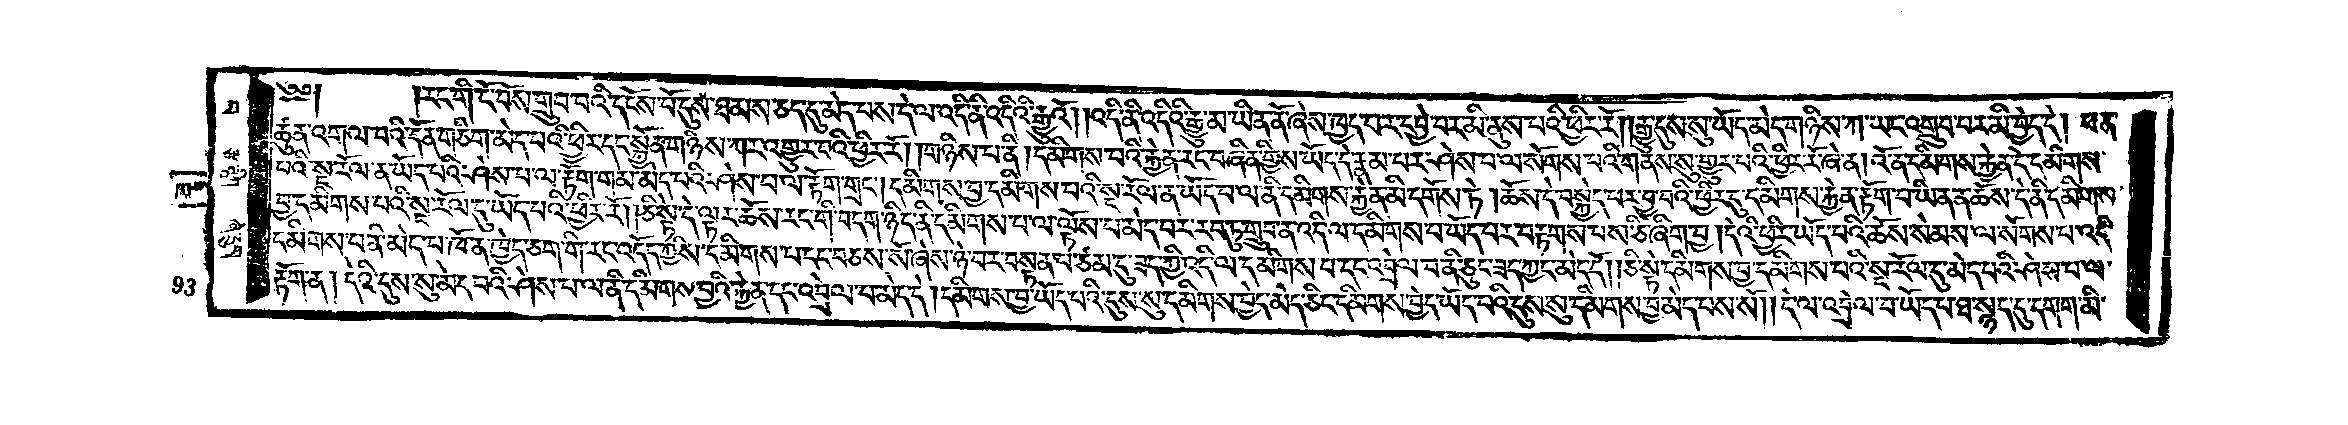༄༅། །རང་གི་ངོ་བོས་གྲུབ་པའི་དངོས་པོ་དུས་ཐམས་ཅད་དུ་མེད་པས་དེ་ལ་འདི་ནི་འདིའི་རྒྱུའོ། །འདི་ནི་འདིའི་རྒྱུ་མ་ཡིན་ནོ་ཞེས་ཁྱད་པར་དབྱེ་བར་མི་ནུས་པའི་ཕྱིར་རོ། །རྒྱུ་དུས་སུ་ཡོད་མེད་གཉིས་ཀ་ཡང་འགྲུབ་པར་མི་བྱེད་དེ། ཕན་
ཚུན་འགལ་བའི་དོན་གཅིག་མེད་པའི་ཕྱིར་དང་སྐྱོན་གཉིས་ཀར་འགྱུར་བའི་ཕྱིར་རོ། །གཉིས་པ་ནི། །དམིགས་པའི་རྐྱེན་རང་བཞིན་གྱིས་ཡོད་དེ་རྣམ་པར་ཤེས་པ་ལ་སོགས་པའི་གནས་སུ་གྱུར་པའི་ཕྱིར་རོ་ཞེ་ན། འོ་ན་དམིགས་རྐྱེན་དེ་དམིགས་
པའི་སྔ་རོལ་ན་ཡོད་པའི་ཤེས་པ་ལ་རྟོག་གམ་མེད་པའི་ཤེས་པ་ལ་རྟོག་གྲང་། དམིགས་བྱ་དམིགས་པའི་སྔ་རོལ་ན་ཡོད་པ་ལ་ནི་དམིགས་རྐྱེན་མི་དགོས་ཏེ། ཆོས་དེ་བསྐྱེད་པར་བྱ་བའི་ཕྱིར་དུ་དམིགས་རྐྱེན་རྟོག་པ་ཡིན་ན་ཆོས་དེ་ནི་དམིགས་
བྱ་དམིགས་པའི་སྔ་རོལ་དུ་ཡོད་པའི་ཕྱིར་རོ། །ཅི་སྟེ་དེ་ལྟར་ཆོས་རང་གི་བདག་ཉིད་ནི་དམིགས་པ་ལ་ལྟོས་པ་མེད་པར་རབ་ཏུ་གྲུབ་ན་འདི་ལ་དམིགས་པ་ཡོད་པར་བརྟགས་པས་ཅི་ཞིག་བྱ། དེའི་ཕྱིར་ཡོད་པའི་ཆོས་སེམས་ལ་སོགས་པ་འདི་
དམིགས་པ་ནི་མེད་པ་ཁོ་ན་ཁྱེད་ཅག་གི་རང་འདོད་ཀྱིས་དམིགས་པ་དང་བཅས་སོ་ཞེས་ཉེ་བར་བསྟན་པ་ཙམ་དུ་ཟད་ཀྱི་འདི་ལ་དམིགས་པ་དང་འབྲེལ་པ་ནི་ཅུང་ཟད་ཀྱང་མེད་དོ། །ཅི་སྟེ་དམིགས་བྱ་དམིགས་པའི་སྔ་རོལ་དུ་མེད་པའི་ཤེས་པ་ལ་
རྟོག་ན། དེའི་དུས་སུ་མེད་པའི་ཤེས་པ་ལ་ནི་དམིགས་བྱའི་རྐྱེན་དང་འབྲེལ་བ་མེད་དེ། དམིགས་བྱ་ཡོད་པའི་དུས་སུ་དམིགས་བྱེད་མེད་ཅིང་དམིགས་བྱེད་ཡོད་པའི་དུས་སུ་དམིགས་བྱ་མེད་པས་སོ། །དེ་ལ་འབྲེལ་བ་ཡོད་པ་ཐ་སྙད་དུ་དགག་མི་